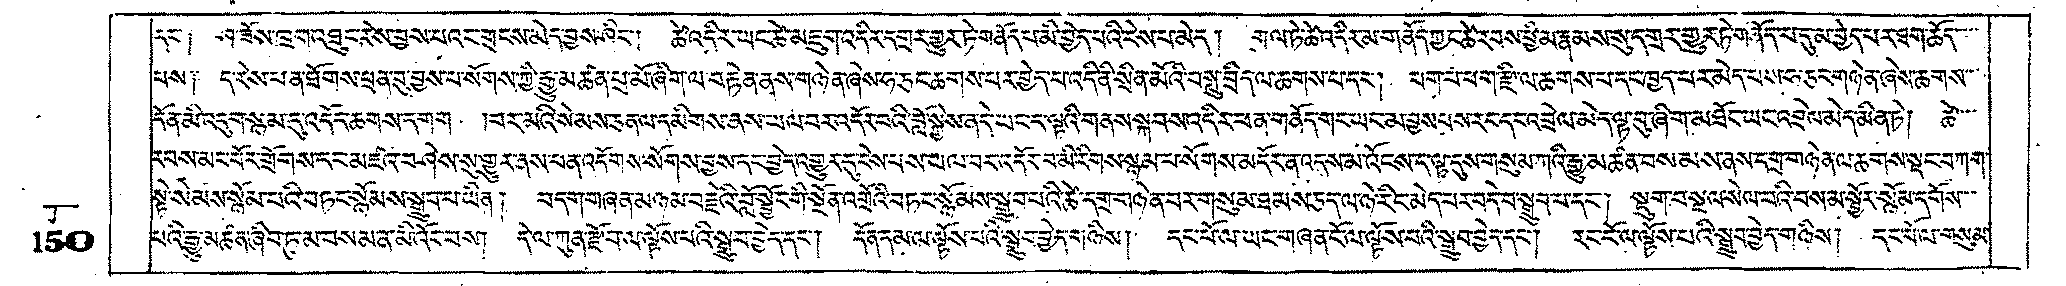དང༑ ཤ་ཟོས་ཁྲག་རེས་བྱས་པའང་གྲགས་མེད་བྱས་ཤིང་། ཚེ་འདིར་ཡང་ཚེ་མཇུག་འདིར་དགྲར་གྱུར་ཏེ་གནོད་པ་མི་བྱེད་པའི་ངེས་པ་མེད། གལ་ཏེ་ཚེ་འདིར་མ་གནོད་ཀྱང་ཚེ་རབས་ཕྱི་མ་རྣམས་སུ་དགྲར་གྱུར་ཏེ་གནོད་པ་དུ་མ་བྱེད་པར་ཐག་ཆོད་་་
པས༑ ད་རེས་ཕན་ཐོགས་ཕྲན་བུ་བྱས་པ་སོགས་ཀྱི་རྒྱུ་མཚན་ཕྲ་མོ་ཞིག་ལ་བརྟེན་ནས་གཉེན་ཞེས་ཧ་ཅང་ཆགས་པར་བྱེད་པ་འདི་ནི་སྲིན་མོའི་བསླུ་བྲིད་ལ་ཆགས་པ་དང་། ཕག་པ་ཕག་རྫི་ལ་ཆགས་པ་དང་ཁྱད་པར་མེད་པས་ཧ་ཅང་གཉེན་ཞེས་ཆགས་་་
དོན་མི་འདུག་སྙམ་དུ་འདོད་ཆགས་དགག །བར་མའི་སེམས་ཅན་ལ་དམིགས་ནས་ཡལ་བར་འདོར་བའི་བློ་སྐྱེས་ན་དེ་ཡང་ད་ལྟའི་གནས་སྐབས་འདིར་ཕན་གནོད་གང་ཡང་མ་བྱས་པས་རང་དང་འབྲེལ་མེད་ལྟ་བུ་ཞིག་མཐོང་ཡང་འབྲེལ་མེད་མིན་ཏེ། ཚེ་་་
རབས་མང་པོར་གྲོགས་དང་མཛའ་བཤེས་སུ་གྱུར་ནས་ཕན་འདོགས་སོགས་བྱས་དང་བྱེད་འགྱུར་དུ་ངེས་པས་ཡལ་བར་འདོར་བ་མི་རིགས་སྙམ་པ་སོགས་མདོར་ན་འདས་མ་འོངས་ད་ལྟ་དུས་གསུམ་ཀའི་རྒྱུ་མཚན་བསམས་ནས་དགྲ་གཉེན་ལ་ཆགས་སྡང་བཀག་
སྟེ་སེམས་སྙོམ་པའི་བཏང་སྙོམས་སྒྲུབ་པ་ཡིན། བདག་གཞན་མཉམ་བརྗེའི་བློ་སྦྱོང་གི་སྔོན་འགྲོའི་བཏང་སྙོམས་སྒྲུབ་པའི་ཚེ་དགྲ་གཉེན་བར་གསུམ་ཐམས་ཅད་ལ་ཉེ་རིང་མེད་པར་བདེ་བ་སྒྲུབ་པ་དང་། སྡུག་བསྔལ་སེལ་བའི་བསམ་སྦྱོར་སྙོམ་དགོས་་་
པའི་རྒྱུ་མཚན་ཞིབ་ཏུ་མ་བསམ་ན་མི་འོང་བས། དེ་ལ་ཀུན་རྫོབ་ལ་ལྟོས་པའི་སྒྲུབ་བྱེད་དང་། དོན་དམ་ལ་ལྟོས་པའི་སྒྲུབ་བྱེད་ཊྒྙིས། དང་པོ་ལ་ཡང་གཞན་ངོ་ལ་ལྟོས་པའི་སྒྲུབ་བྱེད་དང་། རང་ངོ་ལ་ལྟོས་པའི་སྒྲུབ་བྱེད་གཉིས། དང་པོ་ལ་གསུམ་